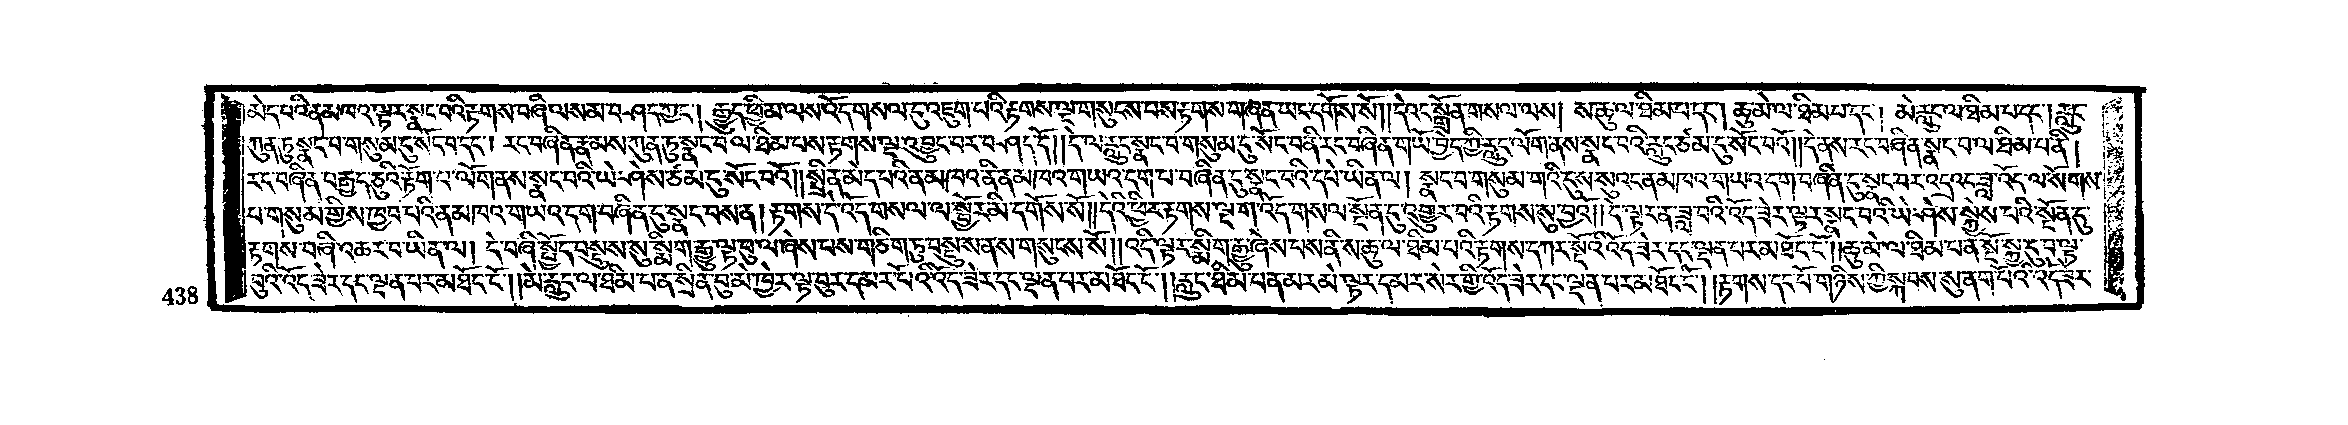མེད་པའི་ནམ་མཁའ་ལྟར་སྣང་བའི་རྟགས་བཞི་ལས་མ་བཤད་ཀྱང་། རྒྱུད་ཕྱི་མ་ལས་འོད་གསལ་དུ་འཇུག་པའི་རྟགས་ལྔ་གསུངས་པས་རྟགས་གཞན་ཡང་དགོས་སོ། །དེའང་སྒྲོན་གསལ་ལས། ས་ཆུ་ལ་ཐིམ་པ་དང་། ཆུ་མེ་ལ་ཐིམ་པ་དང་། མེ་རླུང་ལ་ཐིམ་པ་དང་། རླུང་
ཀུན་ཏུ་སྣང་བ་གསུམ་དུ་སོང་བ་དང་། རང་བཞིན་རྣམས་ཀུན་ཏུ་སྣང་བ་ལ་ཐིམ་པས་རྟགས་ལྔ་འབྱུང་བར་བཤད་དོ། །དེ་ལ་རླུང་སྣང་བ་གསུམ་དུ་སོང་བ་ནི་རང་བཞིན་གཡོ་བྱེད་ཀྱི་རླུང་ལོག་ནས་སྣང་བའི་རླུང་ཙམ་དུ་སོང་བའོ། །དེ་ནས་རང་བཞིན་སྣང་བ་ལ་ཐིམ་པ་ནི།
རང་བཞིན་བརྒྱད་ཅུའི་རྟོག་པ་ལོག་ནས་སྣང་བའི་ཡེ་ཤེས་ཙམ་དུ་སོང་བའོ། །སྤྲིན་མེད་པའི་ནམ་མཁའ་ནི་ནམ་མཁའ་གཡའ་དག་པ་བཞིན་དུ་སྣང་བའི་དཔེ་ཡིན་ལ། སྣང་བ་གསུམ་གའི་དུས་སུའང་ནམ་མཁའ་གཡའ་དག་བཞིན་དུ་སྣང་བར་འདྲའང་ཟླ་འོད་ལ་སོགས་
པ་གསུམ་གྱིས་ཁྱབ་པའི་ནམ་མཁའ་གཡའ་དག་བཞིན་དུ་སྣང་བས་ན། རྟགས་དེ་འོད་གསལ་ལ་སྦྱོར་མི་དགོས་སོ། །དེའི་ཕྱིར་རྟགས་ལྔ་ག་འོད་གསལ་སྔོན་དུ་འགྱུར་བའི་རྟགས་སུ་བྱའོ། །དེ་ལྟར་ན་ཟླ་བའི་འོད་ཟེར་ལྟར་སྣང་བའི་ཡེ་ཤེས་སྐྱེས་པའི་སྔོན་དུ་
རྟགས་བཞི་འཆར་བ་ཡིན་ལ། དེ་བཞི་སྤྱོད་བསྡུས་སུ་སྨིག་རྒྱུ་ལྟ་བུ་ལ་ཞེས་པས་གཅིག་ཏུ་བསྡུས་ནས་གསུངས་སོ། །འདི་ལྟར་སྨིག་རྒྱུ་ཞེས་པས་ནི་ས་ཆུ་ལ་ཐིམ་པའི་རྟགས་དཀར་སྔོའི་འོད་ཟེར་དང་ལྡན་པར་མཐོང་ངོ། །ཆུ་མེ་ལ་ཐིམ་པ་ན་སྔོ་སྐྱེ་དུ་བ་ལྟ་
བུའི་འོད་ཟེར་དང་ལྡན་པར་མཐོང་ངོ། །མེ་རླུང་ལ་ཐིམ་པ་ན་སྲིན་བུ་མེ་ཁྱེར་ལྟ་བུར་དམར་པོའི་འོད་ཟེར་དང་ལྡན་པར་མཐོང་ངོ། །རླུང་ཐིམ་པ་ན་མར་མེ་ལྟར་དམར་སེར་གྱི་འོད་ཟེར་དང་ལྡན་པར་མཐོང་ངོ། །རྟགས་དང་པོ་གཉིས་ཀྱི་སྐབས་སུ་ནག་པོའི་འོད་ཟེར་